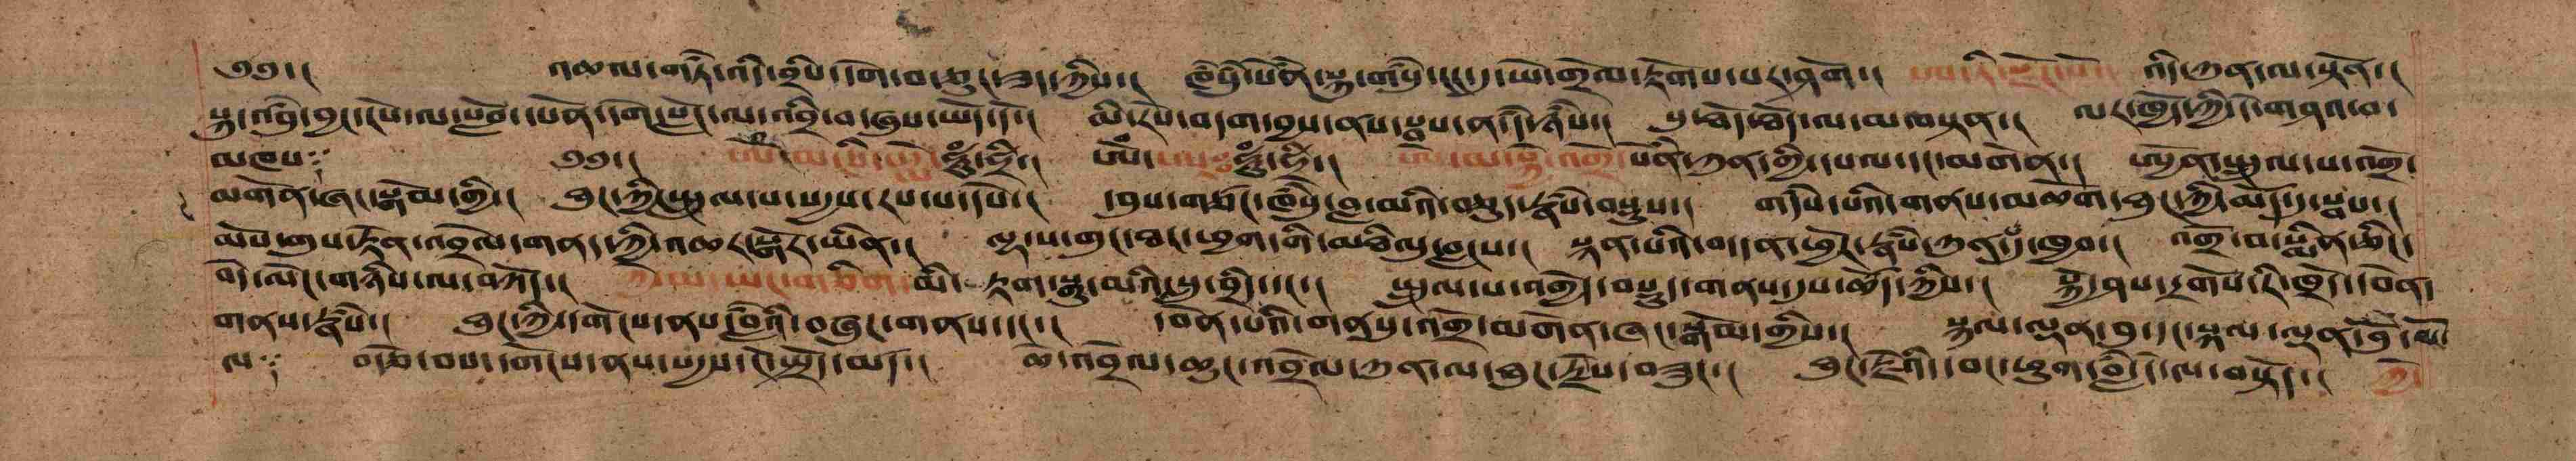༄༅། འཆལ་གཏམ་འདི་བྲིས་དགེ་བ་ཅུང་ཟད་ཀྱིས། ཁམས་གསུམ་སེམས་ཅན་སྐུ་གསུམ་ངང་དུ་ཡེ་གྲོལ་རྟོགས་པར་ཤོག ཨ་ཏི་རྫོང་སོ། འདི་ཀུན་ལ་སྟོན། 
སྐུ་གསུམ་བྱང་ངེས་ལ་སློབ་དཔོན་དགེ་སློང་ལ་འབྲི་བ་ཞུས་ཡོད་དོ། མི་རེས་བདག་བྱས་ནས་སྦས་ན་དམ་ཉམས། སུ་ཐོད་ཐོད་ལ་མ་བསྟན། ལར་ཁྱོད་ཀྱི་དེ་གཤའ་བ་
མཁས༑ ༄༅། ཨོཾ་མ་ཎི་པདྨེ་ཧཱུཾ་ཧྲི། ཨོཾ་ཨཿཧཱུཾ་ཧྲི། ཨེ་མ་སྐྱེ་འགྲོ་སེམས་ཅན་ཀུན་གྱི་དཔལ་དང་མགོན། ཨོ་རྒྱན་སྤྲུལ་པ་འགྲོ་
མགོན་ཞང་སྒོམ་གྱི། ཐུགས་ཀྱི་སྤྲུལ་པ་སངས་རྒྱས་རས་པ་དེས། དབུས་གཙང་ཁམས་སུ་བླ་མའི་བཅུད་རྣམས་བསྡུས། གདམས་པའི་གནས་མཆོག་ཐུགས་ཀྱི་མཛོད་དུ་སྦས། 
མོས་གུས་རྟེན་འབྲེལ་གནད་ཀྱི་འཆར་སྒོར་ཡིན། ལྷ་ས་གུང་ཐང་ཕྱག་གི་མཐིལ་ལུ་བླངས། སྙན་པའི་བ་དན་ཕྱོགས་རྣམས་ཀུན་དུམ་ཁྱབ། འགྲོ་བ་སྨིན་ཅིང་
བདེ་ལེགས་གཉིས་ལ་བཀོད། ཀྱེ་མ་ཡང་གཅིག་མི་རྟག་སྒྱུ་མའི་སླུ་བྲིད་དང་། སྤྲུལ་པ་འགྱེད་བསྡུད་གནས་དུས་ཚོད་ཀྱིས། སྐྱོ་ཤས་དྲག་པོས་རི་ཁྲོད་དབེན་
གནས་རྣམས། ཐུགས་ཀྱི་དགོངས་ནས་བླ་མའི་བཞུགས་གནས་དང་། དབེན་པའི་གནས་སུ་འགྲོ་མགོན་ཞང་སྒོམ་གྱིས། སྐལ་ལྡན་བུ་དང་སྐལ་ལྡན་བུ་མོ་
ལ་༑ བརྩེ་བས་དགོངས་ནས་སངས་རྒྱས་ངོ་སྤྲོད་མཛད། ཆེ་འབྲེལ་ཆུང་འབྲེལ་ཀུན་ལ་ཐུགས་རྗེས་བཟུང་། ཐུགས་རྗེའི་དབང་ཕྱུག་བླ་མ་དེ་ལ་བསྟོད། ཀྱེ་